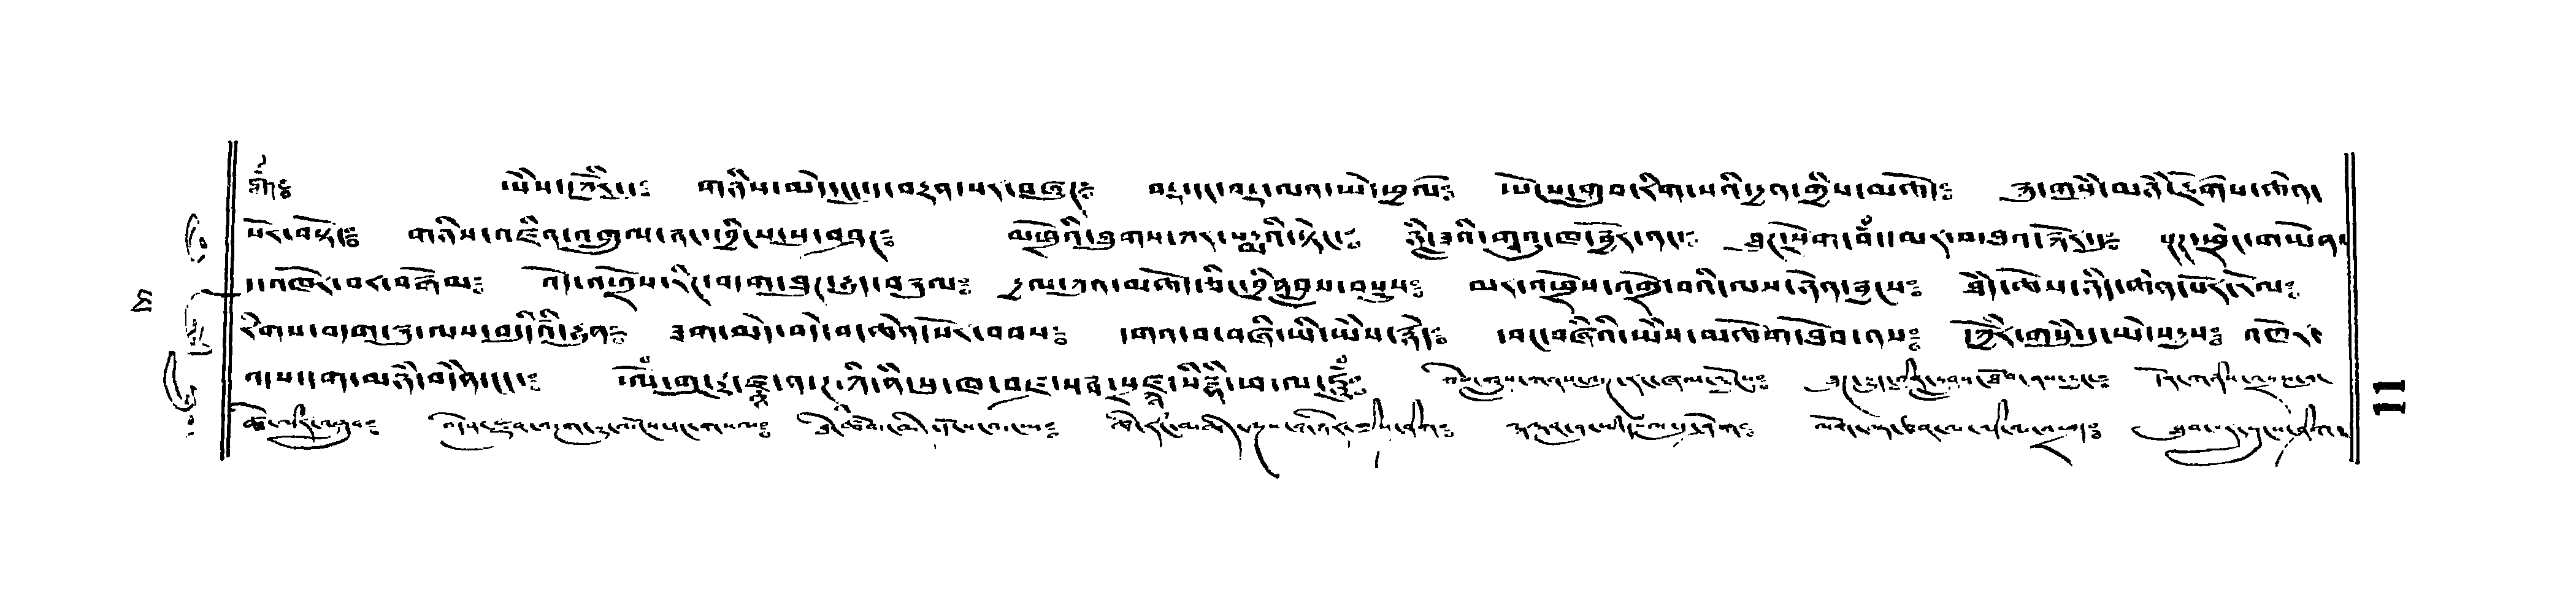ཡེ་ཤེས་དཀྱིལ་འཁོར་དུ༔ གཉིས་མེད་ངང་དུ་བརྟན་པར་བཞུགས༔ བརྡ་དང་བརྡ་ལན་ཡེ་ཕྱག་འཚལ་༔ ཡོངས་གྲུབ་རིག་པའི་རྒྱན་གྱིས་མཆོད༔ སྐུ་གསུམ་མཉམ་རྫོགས་ཆེན་
པོར་བསྟོད༔ གཉིས་འཛིན་འཁྲུལ་སྣང་དབྱིངས་སུ་བཤགས༔ མཁའ་འགྲོའི་ཐུགས་ཀར་པདྨའི་སྟེང༔ ཉི་ཟླའི་གྭའུ་ཁ་སྦྱོར་ནང༔ ཐུགས་སྲོག་བྃ་དམར་མཐའ་སྐོར་དུ༔ སྔགས་ཕྲེང་གཡོན་
དུ་འཁོར་བར་བསྒོམ༔ འོད་འཕྲོས་རིགས་བདག་ཐུགས་རྒྱུད་བསྐུལ༔ རྒྱལ་ཀུན་མཆོད་ཅིང་བྱིན་རླབས་བསྡུས༔ མར་འཕྲོས་འགྲོ་བའི་ལས་ཉོན་སྦྱངས༔ ཐམས་ཅད་ཆོས་ཉིད་ཆེན་པོར་རོལ༔ 
རིགས་བདག་སྐུ་ལས་བདུད་རྩིའི་རྒྱུན༔ ཟག་མེད་བདེ་བ་ཆེན་པོར་བབས༔ དགའ་བ་བཞི་ཡི་ཡེ་ཤེས་རྙེད༔ དབང་བཞིའི་ཡེ་ཤེས་མཆོག་ཐོབ་ནས༔ དཀྱིལ་འཁོར་གསུམ་དུ་ཡེ་སངས་རྒྱས༔ འཁོར་
འདས་དག་མཉམ་བདེ་ཆེན་ངང༔ ཨོཾ་གུ་རུ་ཛྙཱ་ན་ཌཱ་ཀི་ནི་སུ་ཁ་བཛྲ་སརྦ་པྲཛྙཱ་སིདྡྷི་ཕ་ལ་ཧཱུྃ༔ ཞེས་བཟླས་གནས་ལུགས་རང་ཞལ་སྐྱོངས༔ ཐུགས་རྒྱུད་བྱིན་རླབས་ཐོབ་ནས་ཀྱང༔ དོན་གཉིས་འབྲས་བུ་
ཚེ་འདིར་འགྲུབ༔ བདེན་རྫུན་ལག་ཏུ་ལོངས་དང་གསལ༔ ཐེ་ཚོམ་མེད་དོ་ས་མ་ཡ༔ ཚེ་རིང་མཆེད་ལྔས་གཉེར་གྱིས་ཤིག༔ སྐལ་ལྡན་བུ་ཡི་དཔལ་དུ་ཤོག༔ ལོག་ལྟ་ཅན་ལ་འདི་མ་འཕྲད༔ ཐུབ་པར་སྲུངས་ཤིག་